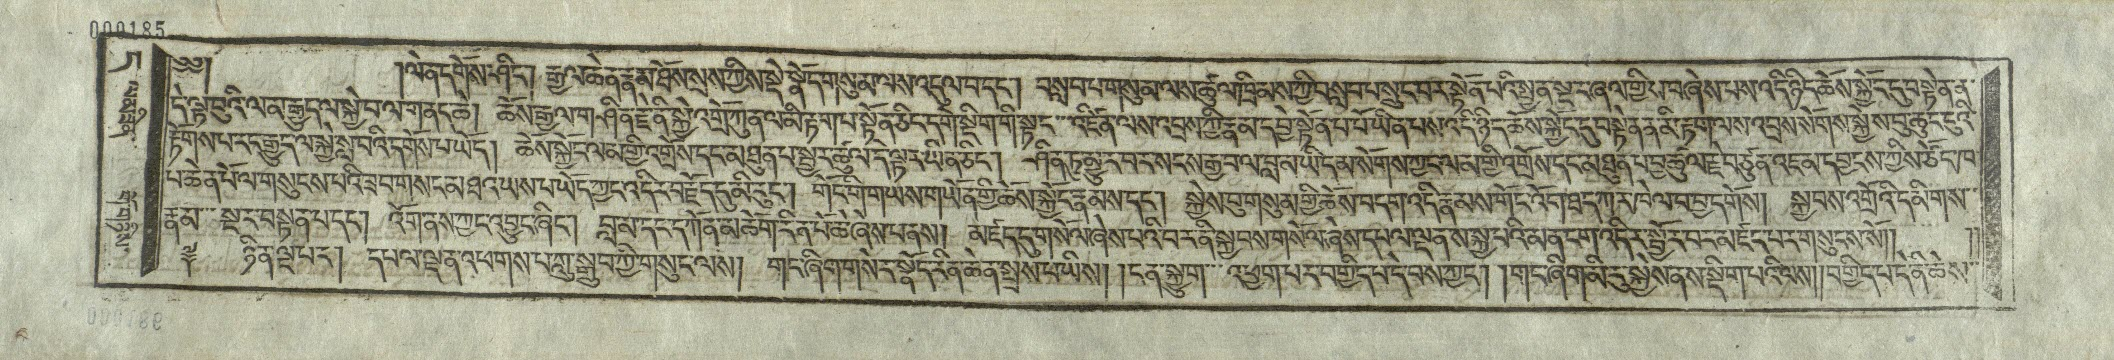༄༅། །ལེན་དགོས་ཤིང་། རྒྱལ་ཆེན་རྣམ་ཐོས་སྲས་ཀྱིས་སྡེ་སྣོད་གསུམ་ལས་འདུལ་བ་དང་། བསླབ་པ་གསུམ་ལས་ཚུལ་ཁྲིམས་ཀྱི་བསླབ་པ་སྲུང་བར་སྟོན་པའི་སྤྱན་སྔར་ཞལ་གྱིས་བཞེས་པས་འདི་ཉིད་ཆོས་སྐྱོང་དུ་བསྟེན་ན་
དེ་ལྟ་བུའི་ལམ་རྒྱུད་ལ་སྐྱེ་བ་ལ་གནད་ཆེ། ཆོས་རྒྱལ་གཤིན་རྗེ་ནི་སྐྱེ་འགྲོ་ཀུན་ལ་མི་རྟག་པ་སྟོན་ཅིང་དགེ་སྡིག་གི་སྟང་འཛིན་ལས་འབྲས་ཀྱི་རྣམ་དབྱེ་སྟོན་པ་པོ་ཡིན་པས་འདི་ཉིད་ཆོས་སྐྱོང་དུ་བསྟེན་ན་མི་རྟག་ལས་འབྲས་སོགས་སྐྱེས་བུ་ཆུང་ངུའི་
རྟོགས་པ་རང་རྒྱུད་ལ་སྐྱེ་སླ་བའི་དགོས་པ་ཡོད། ཆོས་སྐྱོང་ལམ་གྱི་འགྲོས་དང་མཐུན་པ་སྦྱར་ཚུལ་དེ་ལྟར་ཡིན་ཅིང་། ཤིན་ཏུ་མྱུར་བར་སངས་རྒྱ་བ་ལ་བླ་མ་ཡི་དམ་སོགས་ཀྱང་ལམ་གྱི་འགྲོས་དང་མཐུན་པ་བྱ་ཚུལ་རྗེ་བཙུན་འཇམ་དབྱངས་ཀྱིས་ཙོང་ཁ་
པ་ཆེན་པོ་ལ་གསུངས་པའི་ཟབ་གསང་མཐའ་ཡས་པ་ཡོད་ཀྱང་འདིར་བརྗོད་དུ་མི་རུང་། གོང་གི་གཡས་གཡོན་གྱི་ཆོས་སྐྱོང་རྣམས་དང་། སྐྱེས་བུ་གསུམ་གྱི་ཆོས་བདག་འདི་རྣམས་གོང་འོག་ཐད་ཀར་ཁེལ་བ་བྱ་དགོས། སྐྱབས་འགྲོའི་དམིགས་
རྣམ་སྔར་བསྟན་པ་དང་། འོག་ནས་ཀྱང་འབྱུང་ཞིང་། བླ་མ་དང་དཀོན་མཆོག་རིན་པོ་ཆེ་ཞེས་པ་ནས། མཛད་དུ་གསོལ་ཞེས་པའི་བར་ནི་སྐྱབས་གསོལ་ཞེས་དཔལ་ལྡན་ས་སྐྱ་པའི་མན་ངག་འདིར་སྦྱོར་བར་མཛད་པར་གསུངས་སོ།། །།
༈ ཉིན་ལྔ་པར། དཔལ་ལྡན་འཕགས་པ་ཀླུ་སྒྲུབ་ཀྱི་གསུང་ལས། གང་ཞིག་གསེར་སྣོད་རིན་ཆེན་སྤྲས་པ་ཡིས། །ངན་སྐྱུག་འཕྱག་པར་བགྱིད་པ་དེ་བས་ཀྱང་། །གང་ཞིག་མི་རུ་སྐྱེས་ནས་སྡིག་པའི་ལས། །བགྱིད་པ་དེ་ནི་ཆེས་